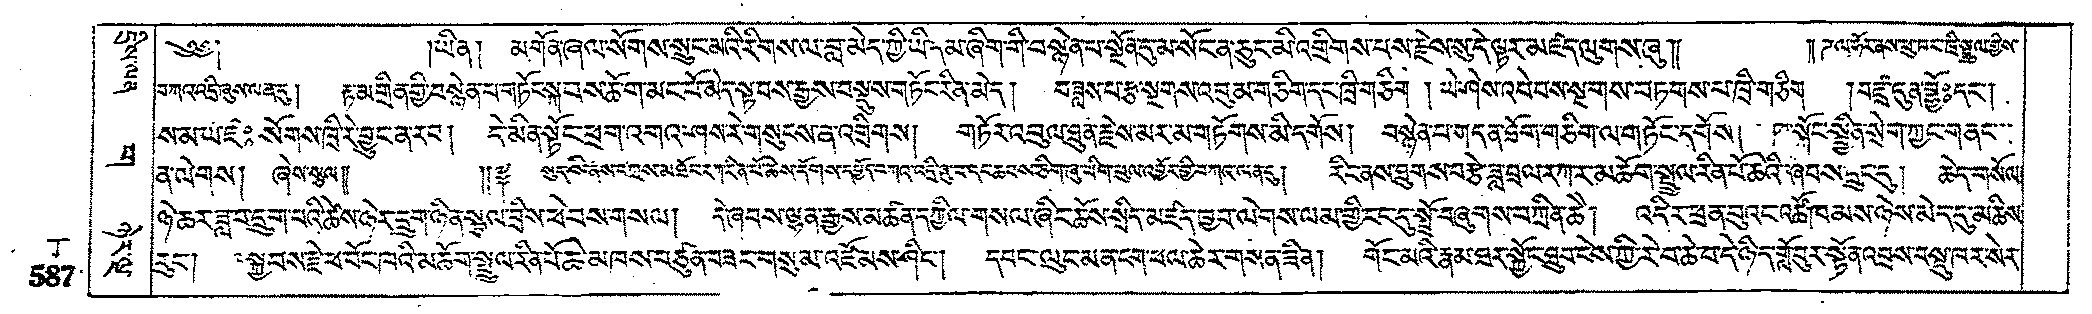༄༅། །ཡིན། མགོན་ཞལ་སོགས་སྲུང་མའི་རིགས་ལ་བླ་མེད་ཀྱི་ཡི་དམ་ཞིག་གི་བསྙེན་པ་སྔོན་དུ་མ་སོང་ན་ཅུང་མི་འགྲིགས་པས་རྗེས་སུ་དེ་ལྟར་མཛད་ལུགས་ཞུ།། །།ཌལ་ཧོར་ནས་ཕུ་ཁང་ཁྲི་སྤྲུལ་གྱིས་
བཀའ་འདྲི་ཞུས་ལན་དུ། རྟ་མགྲིན་གྱི་བསྙེན་པ་གཏོང་སྐབས་ཆོ་ག་མང་པོ་མེད་སྟབས་རྒྱས་བསྡུས་གཏོང་རིན་མེད། བཟླས་པ་རྩ་སྔགས་འབུམ་གཅིག་དང་ཁྲི་གཅིག །ཡེ་ཤེས་འབེབས་སྔགས་བཏགས་པ་ཁྲི་གཅིག །བཛྲ་དུན་བྷྱོཿདང་།
ས་མ་ཡ་ཛཿ སོགས་ཁྲི་རེ་བྱུང་ན་རབ། དེ་མིན་སྟོང་ཕྲག་འགའ་ཤས་རེ་གསུངས་ན་འགྲིགས། གཏོར་འབུལ་ཐུན་རྗེས་མར་མ་གཏོགས་མི་དགོས། བསྙེན་པ་གདན་ཐོག་གཅིག་ལ་གཏོང་དགོས། ཁ་སྐོང་སྦྱིན་སྲེག་ཀྱང་གནང་་་
ན་ལེགས། ཞེས་སྩལ།། །།འ་སུད་སི་ནས་བཀྲས་མཐོང་རཀ་རིན་པོ་ཆེས་དོགས་དཔྱོད་བཀའ་འདྲི་ཞུ་བ་དང་ཆབས་ཅིག་ཞུ་ཡིག་ཕུལ་འབྱོར་གྱི་བཀའ་ལན་དུ།  རིང་ནས་ཐུགས་བརྩེ་ཟླ་བྲལ་རཀ་ར་མཆོག་སྤྲུལ་རིན་པོ་ཆེའི ༧ཞབས་དྲུང་དུ། ཆེད་གསོལ་
ཉེ་ཆར་ཟླ་བ་དྲུག་པའི་ཚེས་ཉེར་དྲུག་ཉིན་སྩལ་བྲིས་ཕེབས་གསལ། དེ་ཞབས་ལྷན་རྒྱས་མཚན་དཀྱིལ་གསལ་ཞིང་ཆོས་སྲིད་མཛད་ཁྱབ་ལེགས་ལམ་གྱི་ངང་དུ་སྤྲོ་བཞུགས་བཀྲིན་ཆཻ། འདིར་ཕྲན་བུའང་འཚོ་ཁམས་ཉེས་མེད་དུ་མཆིས་
རུང་། ༧སྐྱབས་རྗེ་ཕ་བོང་ཁའི་མཆོག་སྤྲུལ་རིན་པོ་ཆེ་མཁས་བཙུན་བཟང་གསུམ་འཛོམས་ཤིང་། དབང་ལུང་མན་ངག་ཕལ་ཆེར་གསན་ཟིན། གོང་མའི་རྣམ་ཐར་སྐྱོང་ཐུབ་ངེས་ཀྱི་རེ་བ་ཆེ་བ་དེ་ཉིད་གློ་བུར་སྟོན་འབྲས་བསྡུ་ཁར་སེར་